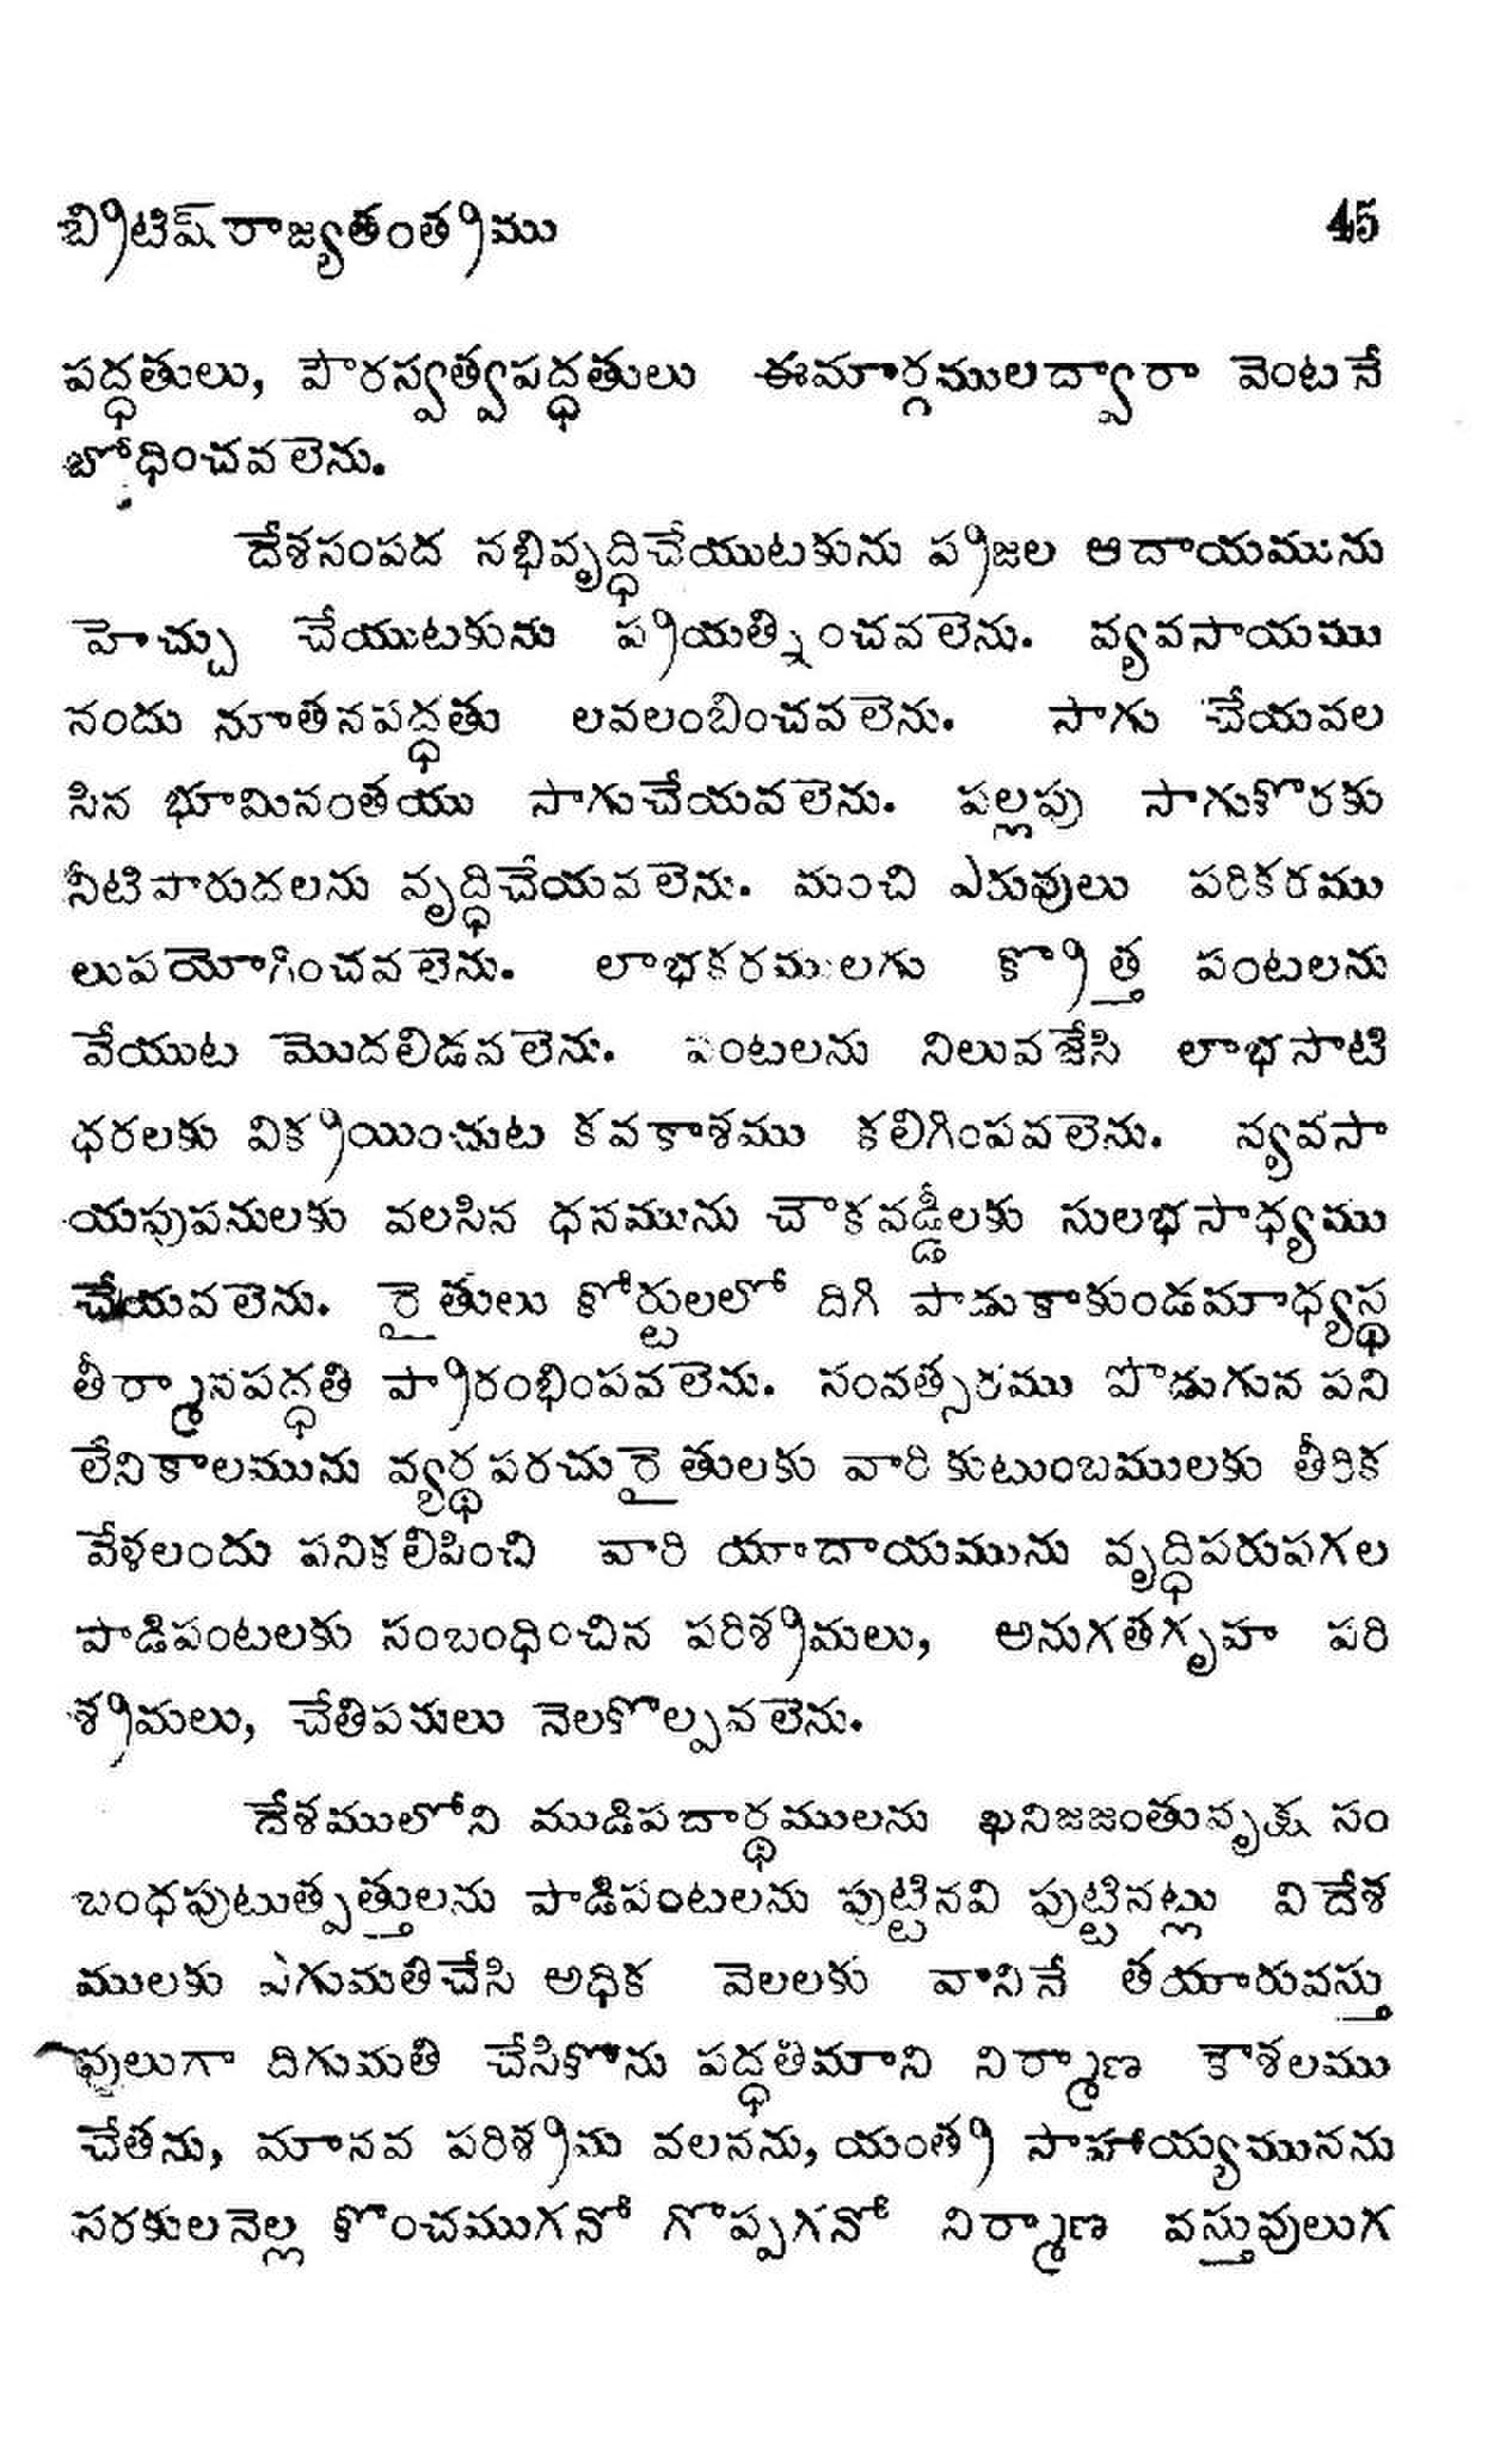పద్ధతులు, పౌరస్వత్వపద్ధతులు ఈమార్గములద్వారా వెంటనే బోధించవలెను.

దేశసంపద నభివృద్ధిచేయుటకును ప్రజల ఆదాయమును హెచ్చు చేయుటకును ప్రయత్నించవలెను. వ్యవసాయము నందు నూతనపద్ధతు లవలంబించవలెను. సాగు చేయవలసిన భూమినంతయు సాగుచేయవలెను. పల్లపు సాగుకొరకు నీటిపారుదలను వృద్ధిచేయవలెను. మంచి ఎరువులు పరికరము లుపయోగించవలెను. లాభకరములగు క్రొత్త పంటలను
వేయుట మొదలిడవలెను. పంటలను నిలువజేసి లాభసాటి ధరలకు విక్రయించుట కవకాశము కలిగింపవలెను. వ్యవసాయపుపనులకు వలసిన ధనమును చౌకవడ్డీలకు సులభసాధ్యము చేయవలెను. రైతులు కోర్టులలో దిగి పాడుకాకుండ మాధ్యస్థ తీర్మానపధ్ధతి ప్రారంభింపవలెను. సంవత్సరము పొడుగున పని లేనికాలమును వ్యర్ధపరచు రైతులకు వారి కుటుంబములకు తీరిక వేళలందు పనికలిపించి వారి యాదాయమును వృద్ధిపరుపగల పాడిపంటలకు సంబంధించిన పరిశ్రమలు, అనుగతగృహ పరిశ్రమలు, చేతిపనులు నెలకొల్పవలెను.

దేశములోని ముడిపదార్థములను ఖనిజజంతువృక్ష సంబంధపుటుత్పత్తులను పాడిపంటలను పుట్టినవి పుట్టినట్లు విదేశములకు ఎగుమతిచేసి అధిక వెలలకు వానినే తయారువస్తువులుగా దిగుమతి చేసికొను పద్ధతిమాని నిర్మాణ కౌశలము చేతను, మానవ పరిశ్రమ వలనను, యంత్ర సాహాయ్యమునను సరకులనెల్ల కొంచముగనో గొప్పగనో నిర్మాణ వస్తువులుగ